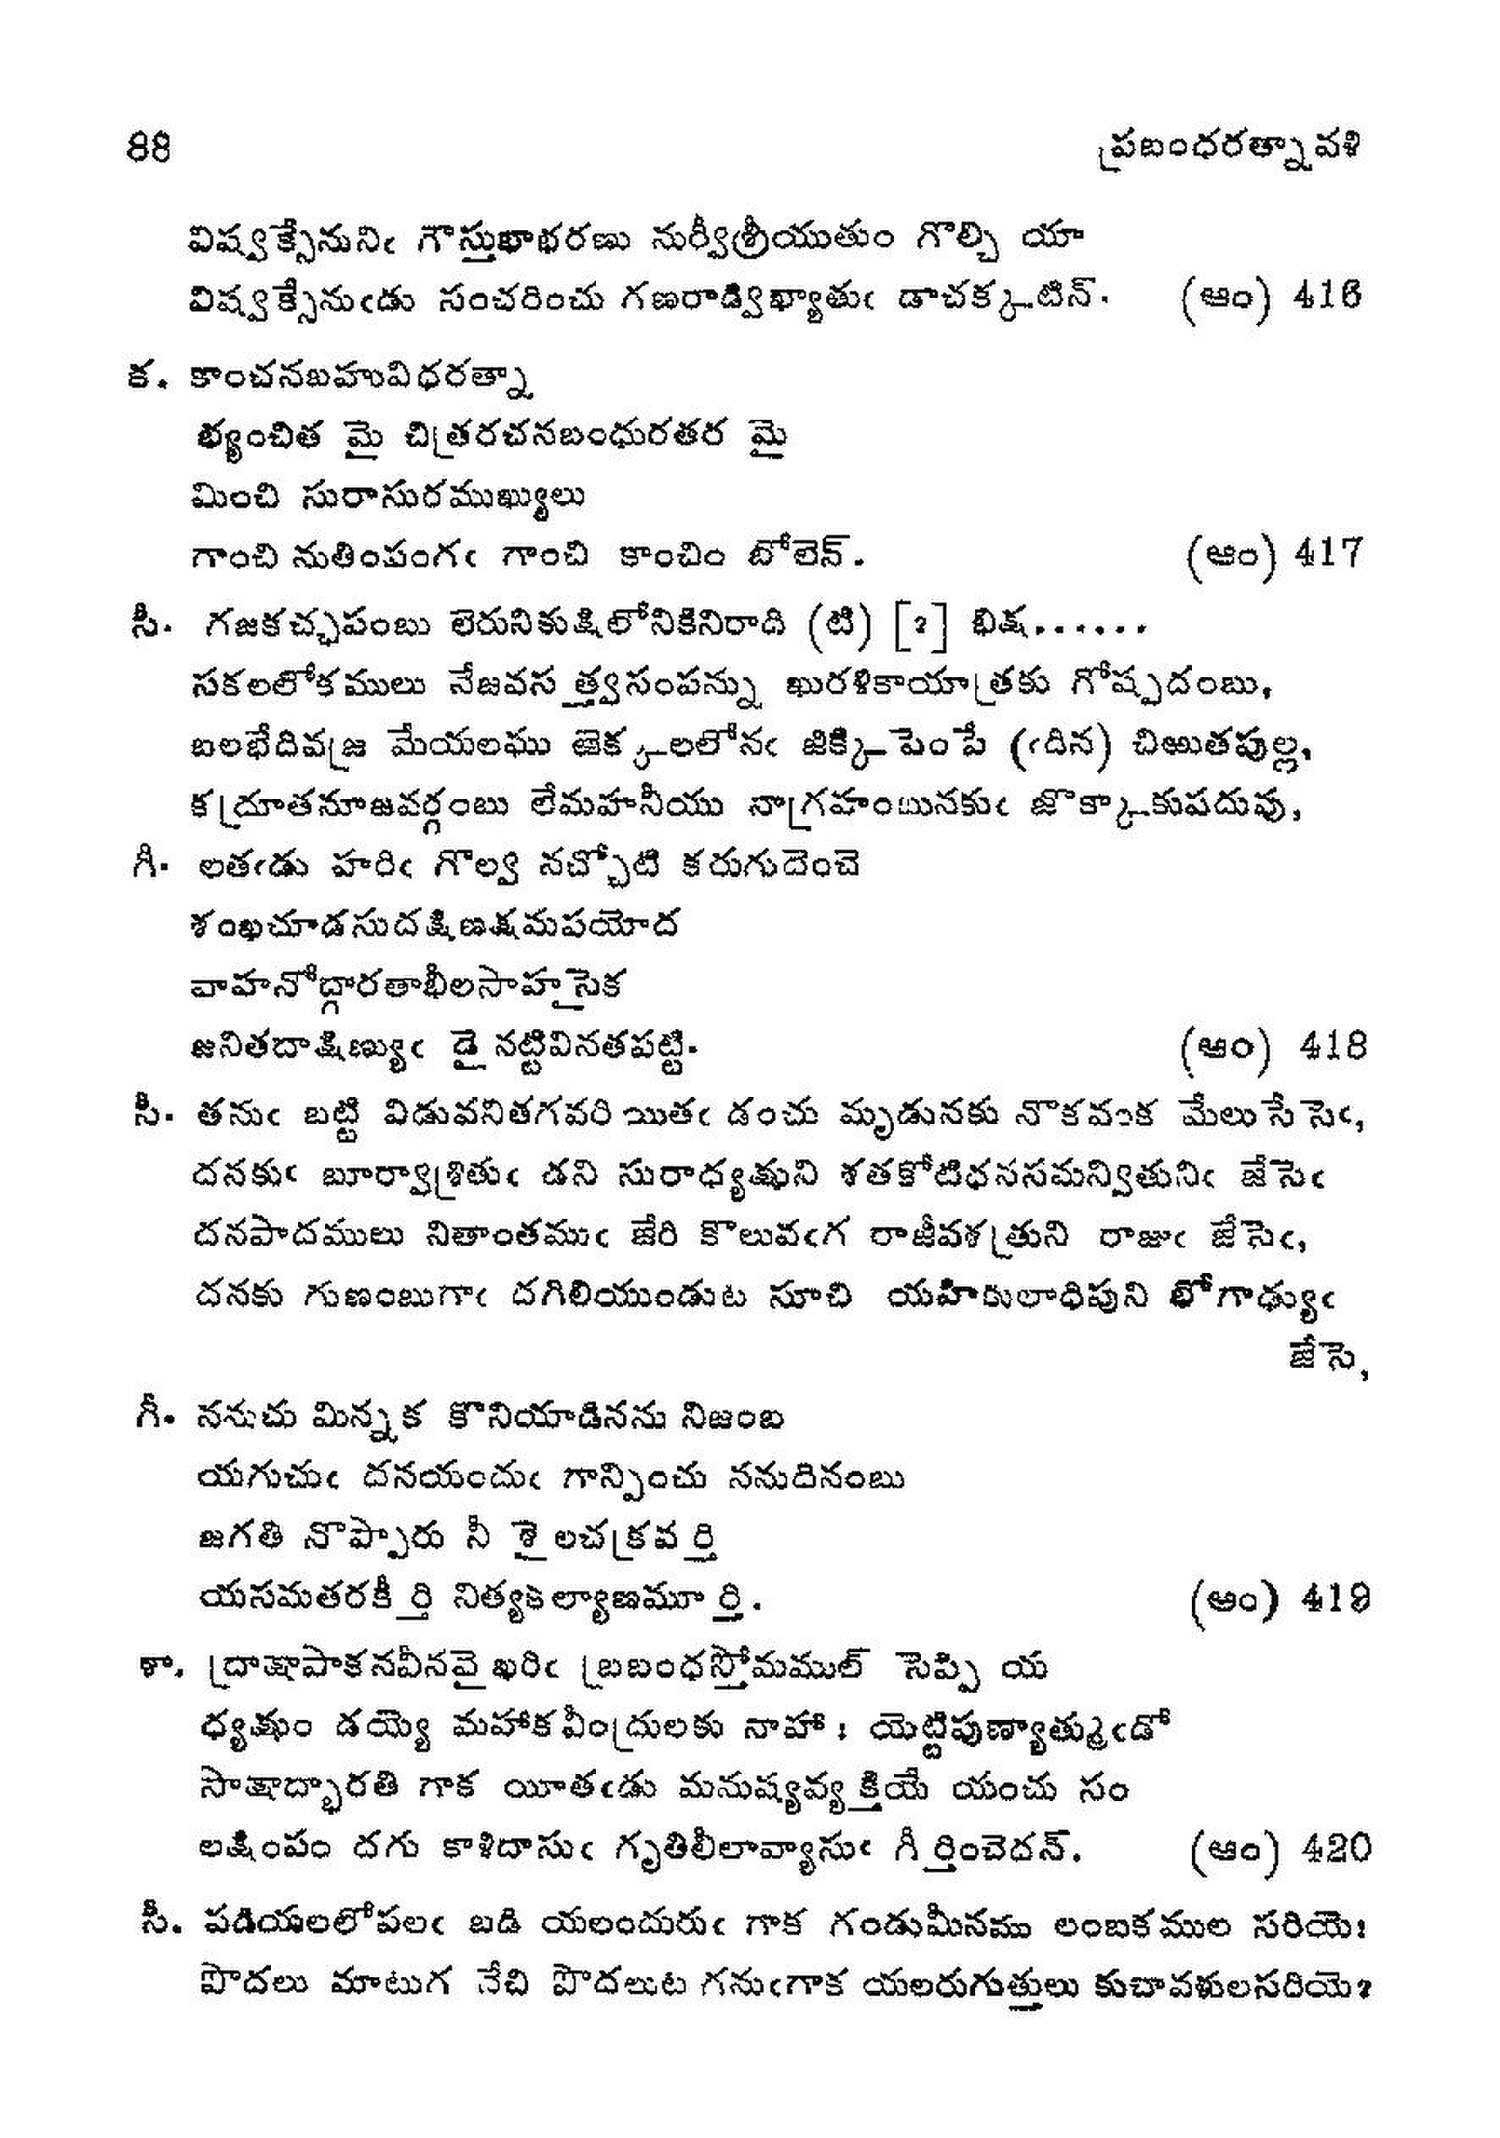విష్వక్సేనుని గౌస్తుభాభరణు నుర్వీశ్రీయుతుంగొల్చి యా
విష్వక్సేనుఁడు సంచరించు గణరాడ్విఖ్యాతుఁ డాచక్కటిన్. (ఆం) 416

క. కాంచనబహువిధ రత్నా
భ్యంచితమై చిత్రరచనబంధురతరమై
మించి సురాసురముఖ్యులు
కాంచి నుతింపంగఁ గాంచి కాంచిం బోలెన్. (ఆం) 417

సీ. గజకచ్ఛపంబు లెరునికుక్షిలోనికినిరాది [టి][?] భిక్ష.........,
సకలలోకములు నే జవసత్త్వసంపన్ను ఖురళికాయాత్రకు గోష్పదంబు,
బలభేదివజ్రమే యలఘు ఱెక్కలలోనఁ జిక్కిపెంపే[ఁదిన] చిఱుతపుల్ల,
కద్రూతనూజవర్గంబు లే మహనీయు నాగ్రహంబునకుఁ జొక్కాకుపదువు,
తే. లతఁడు హరిఁ గొల్వ నచ్చోటి కరుగుఁదెంచె
శంఖచూడసుదక్షిణ క్షమపయోద
వాహనోద్గారతాభీలసాహసైక
జనిత దాక్షిణ్యుఁడైనట్టి వినతపట్టి. (ఆం) 418

సీ. తనుఁబట్టి విడువని తగవరి యితఁడంచు మృడునకు నొకవంక మేలు సేసెఁ,
దనకుఁ బూర్వాశ్రితుఁడని సురాధ్యక్షుని శతకోటిధన సమన్వితునిఁ జేసెఁ,
దనపాదములు నితాంతముఁ జేరి కొలువఁగ రాజీవశత్రుని రాజుఁ జేసెఁ,
దనకు గుణంబుగాఁ దగిలియుండుట సూచి యహికులాధిపుని భోగాఢ్యుఁ జేసె,
తే. ననుచు మిన్నక కొనియాడినను నిజంబ
యగుచుఁ దనయందుఁ గాన్పించు ననుదినంబు
జగతి నొప్పారు నీ శైలచక్రవర్తి
యసమతరకీర్తి నిత్యకల్యాణమూర్తి.

శా. ద్రాక్షాపాక నవీనవైఖరిఁ బ్రబంధస్తోమముల్ సెప్పి య
ధ్యక్షుండయ్యె మహాకవీంద్రులకు నాహా! యెట్టి పుణ్యాత్ముఁడో
సాక్షాద్భారతిఁ గాక యీతఁడు మనుష్యవ్యక్తియే యంచు సం
లక్షింపం దగు కాళిదాసుఁ గృతిలీలావ్యాసుఁ గీర్తించెదన్.

సీ. పడియలలోపలఁ బడి యలందురుఁ గాక గండుమీనము లంబకముల సరియె?
పొదలు మాటుగ నేచి పొదలుటఁ గనుఁగాక యలరుగుత్తులు కుచావళుల సరియె?